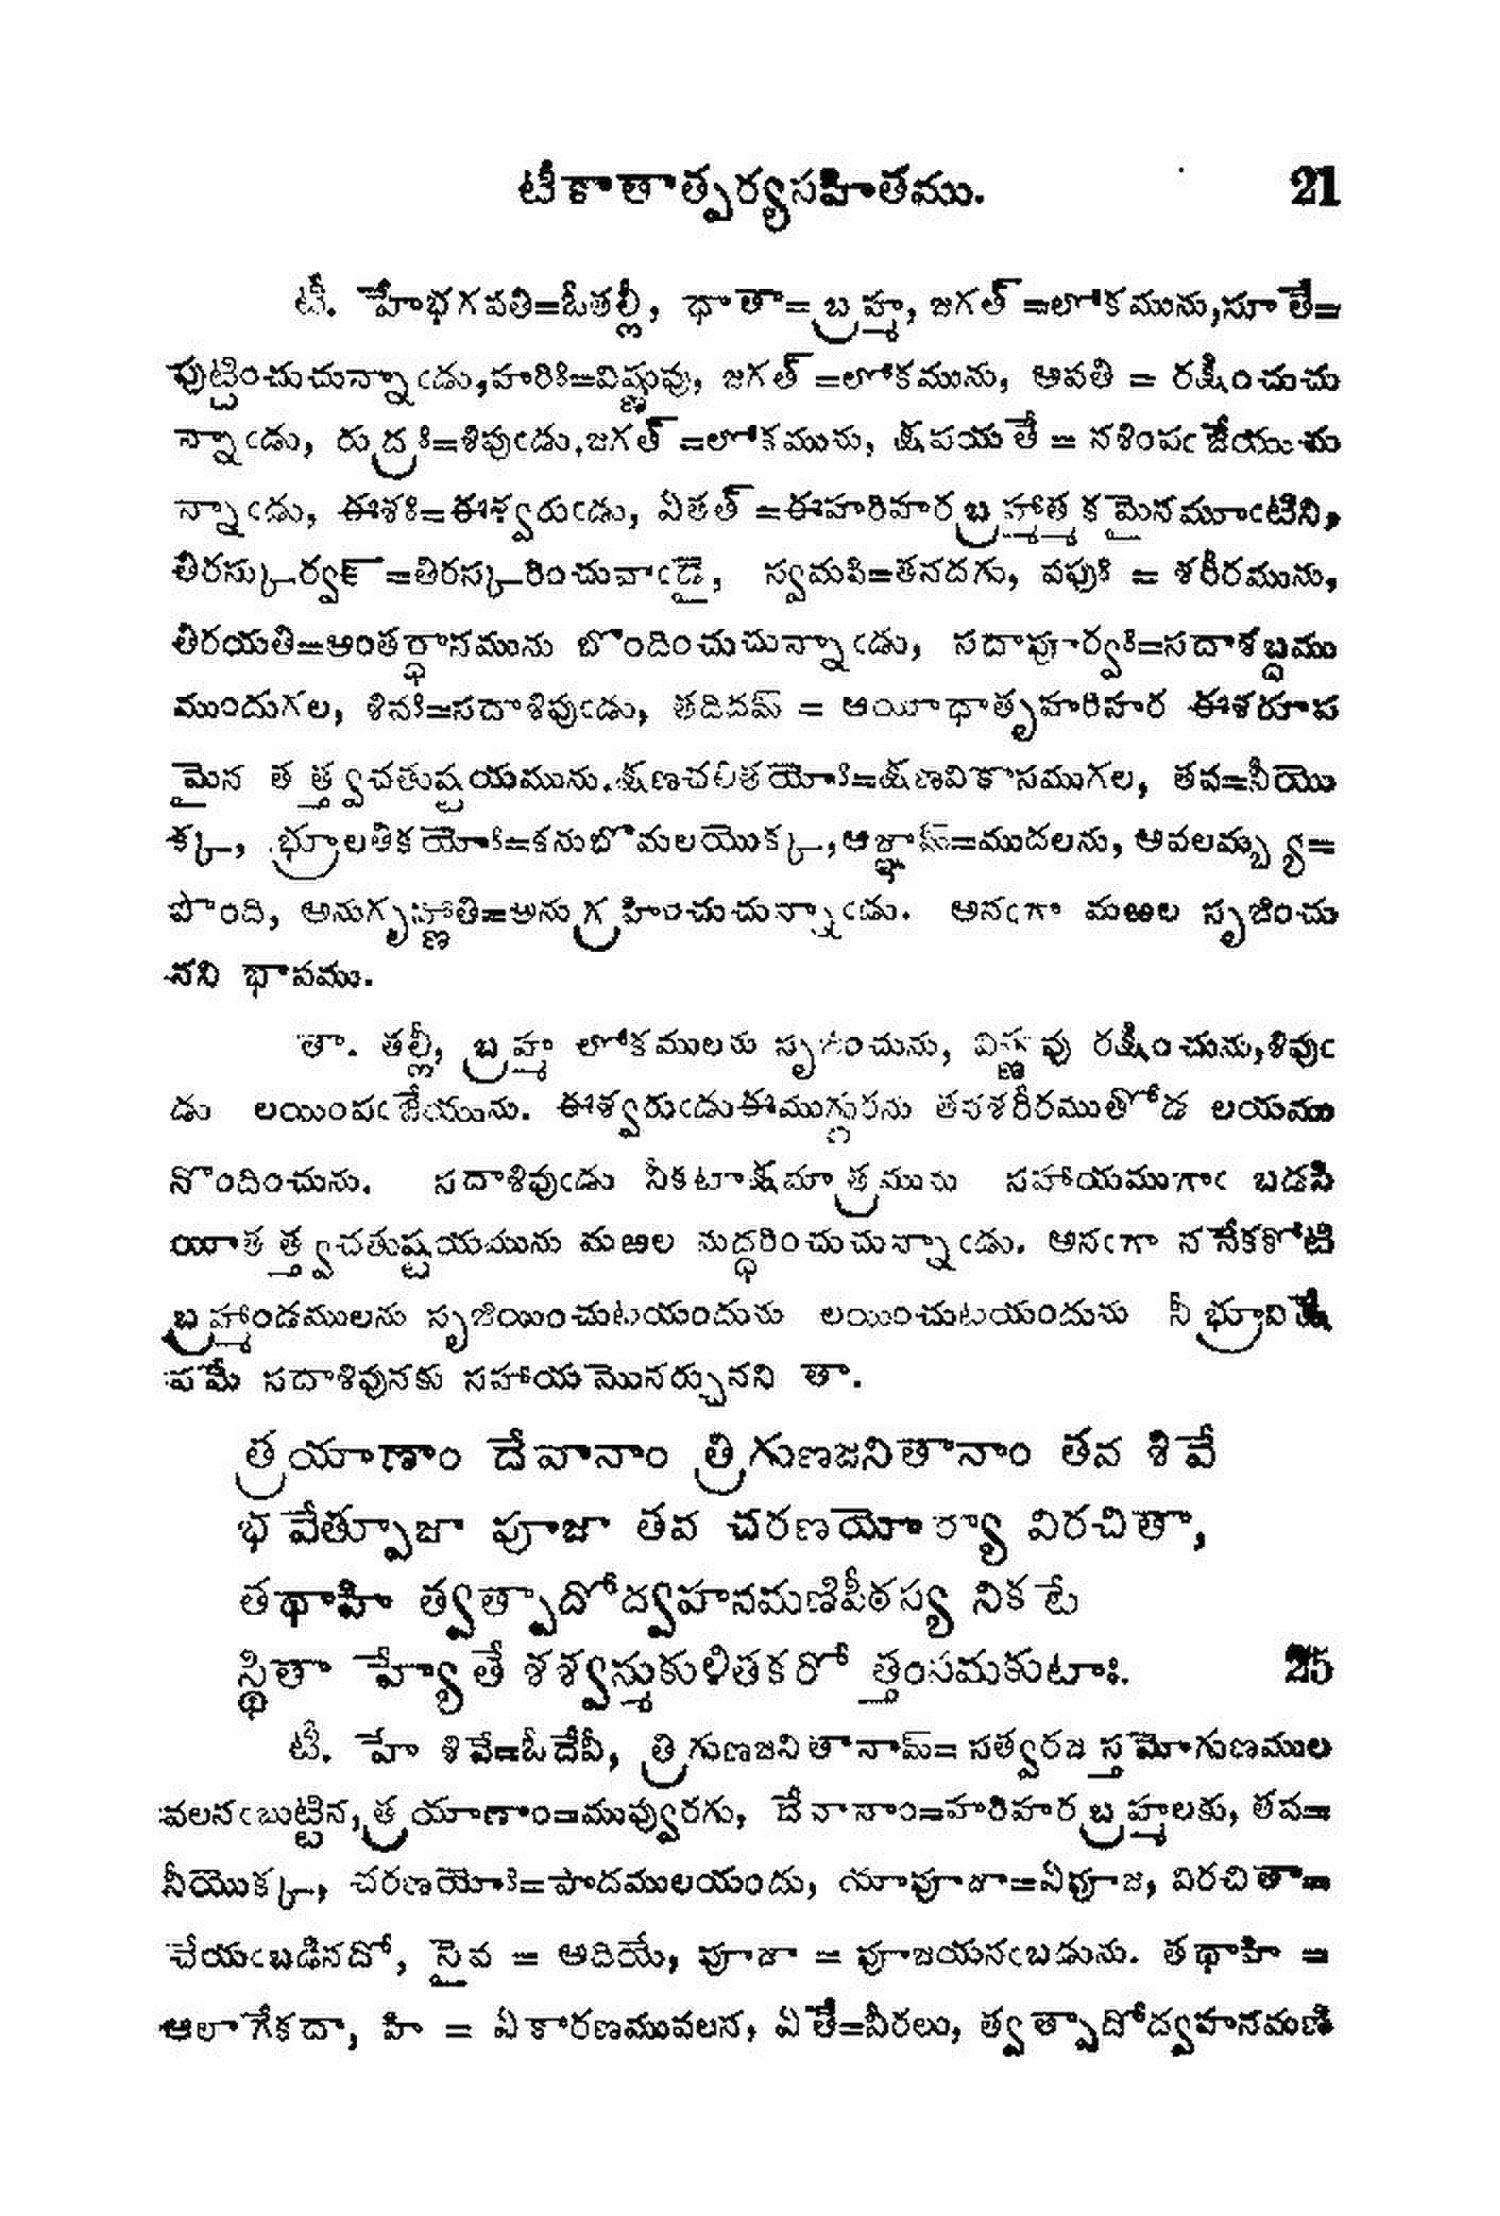టీ. హేభగవతి = ఓతల్లీ, ధాతా = బ్రహ్మ, జగత్ = లోకమును, సూతే = పుట్టించుచున్నాఁడు, హరిః = విష్ణువు, జగత్ = లోకమును, అవతి = రక్షించుచున్నాఁడు, రుద్రః = శివుఁడు, జగత్ = లోకమును, క్షపయతే = నశింపఁజేయుచున్నాఁడు, ఈశః = ఈశ్వరుఁడు, ఏతత్ = ఈహరిహరబ్రహ్మాత్మకమైన మూఁటిని, తిరస్కుర్వన్ = తిరస్కరించువాఁడై, స్వమపి = తనదగు, వపుః = శరీరమును, తిరయతి = అంతర్ధానమును బొందించుచున్నాఁడు, సదాపూర్వః = సదాశబ్దము ముందుగల, శివః = సదాశివుఁడు, తదిదమ్ = ఆయీధాతృహరిహర ఈశరూపమైన తత్త్వచతుష్టయమును, క్షణచలితయోః = క్షణవికాసముగల, తవ = నీయొక్క, భ్రూలతికయోః = కనుబొమలయొక్క, ఆజ్ఞామ్ = ముదలను, అవలమ్బ్య = పొంది, అనుగృహ్ణాతి = అనుగ్రహించుచున్నాఁడు. అనఁగా మఱల సృజించునని భావము.

తా. తల్లీ, బ్రహ్మ లోకములను సృజించును, విష్ణువు రక్షించును, శివుఁడు లయింపఁజేయును. ఈశ్వరుఁడుఈముగ్గురను తనశరీరముతోడ లయము నొందించును. సదాశివుఁడు నీకటాక్షమాత్రమును సహాయముగాఁ బడసి యీతత్త్వచతుష్టయమును మఱల నుద్ధరించుచున్నాఁడు. అనఁగా ననేకకోటి బ్రహ్మాండములను సృజించుటయందును లయించుటయందును నీభ్రూవిక్షేపమే సదాశివునకు సహాయమొనర్చునని తా.

త్రయాణాం దేవానాం త్రిగుణజనితానాం తవ శివే
భవేత్పూజా పూజా తవ చరణయోర్యా విరచితా,
తథాహి త్వత్పాదోద్వహనమణిపీఠస్య నికటే
స్థితా హ్యేతే శశ్వన్ముకుళితకరోత్తంసమకుటాః. 25
టీ. హే శివే = ఓదేవీ, త్రిగుణజనితానామ్ = సత్వరజస్తమోగుణములవలనఁ బుట్టిన, త్రయాణాం = మువ్వురగు, దేవానాం = హరిహరబ్రహ్మలకు, తవ = నీయొక్క, చరణయోః = పాదములయందు, యాపూజా = ఏపూజ, విరచితా = చేయఁబడినదో, సైవ = అదియే, పూజా = పూజయనఁబడును. తథాహి = ఆలాగేకదా, హి = ఏకారణమువలన, ఏతే = వీరలు, త్వత్పాదోద్వహనమణి